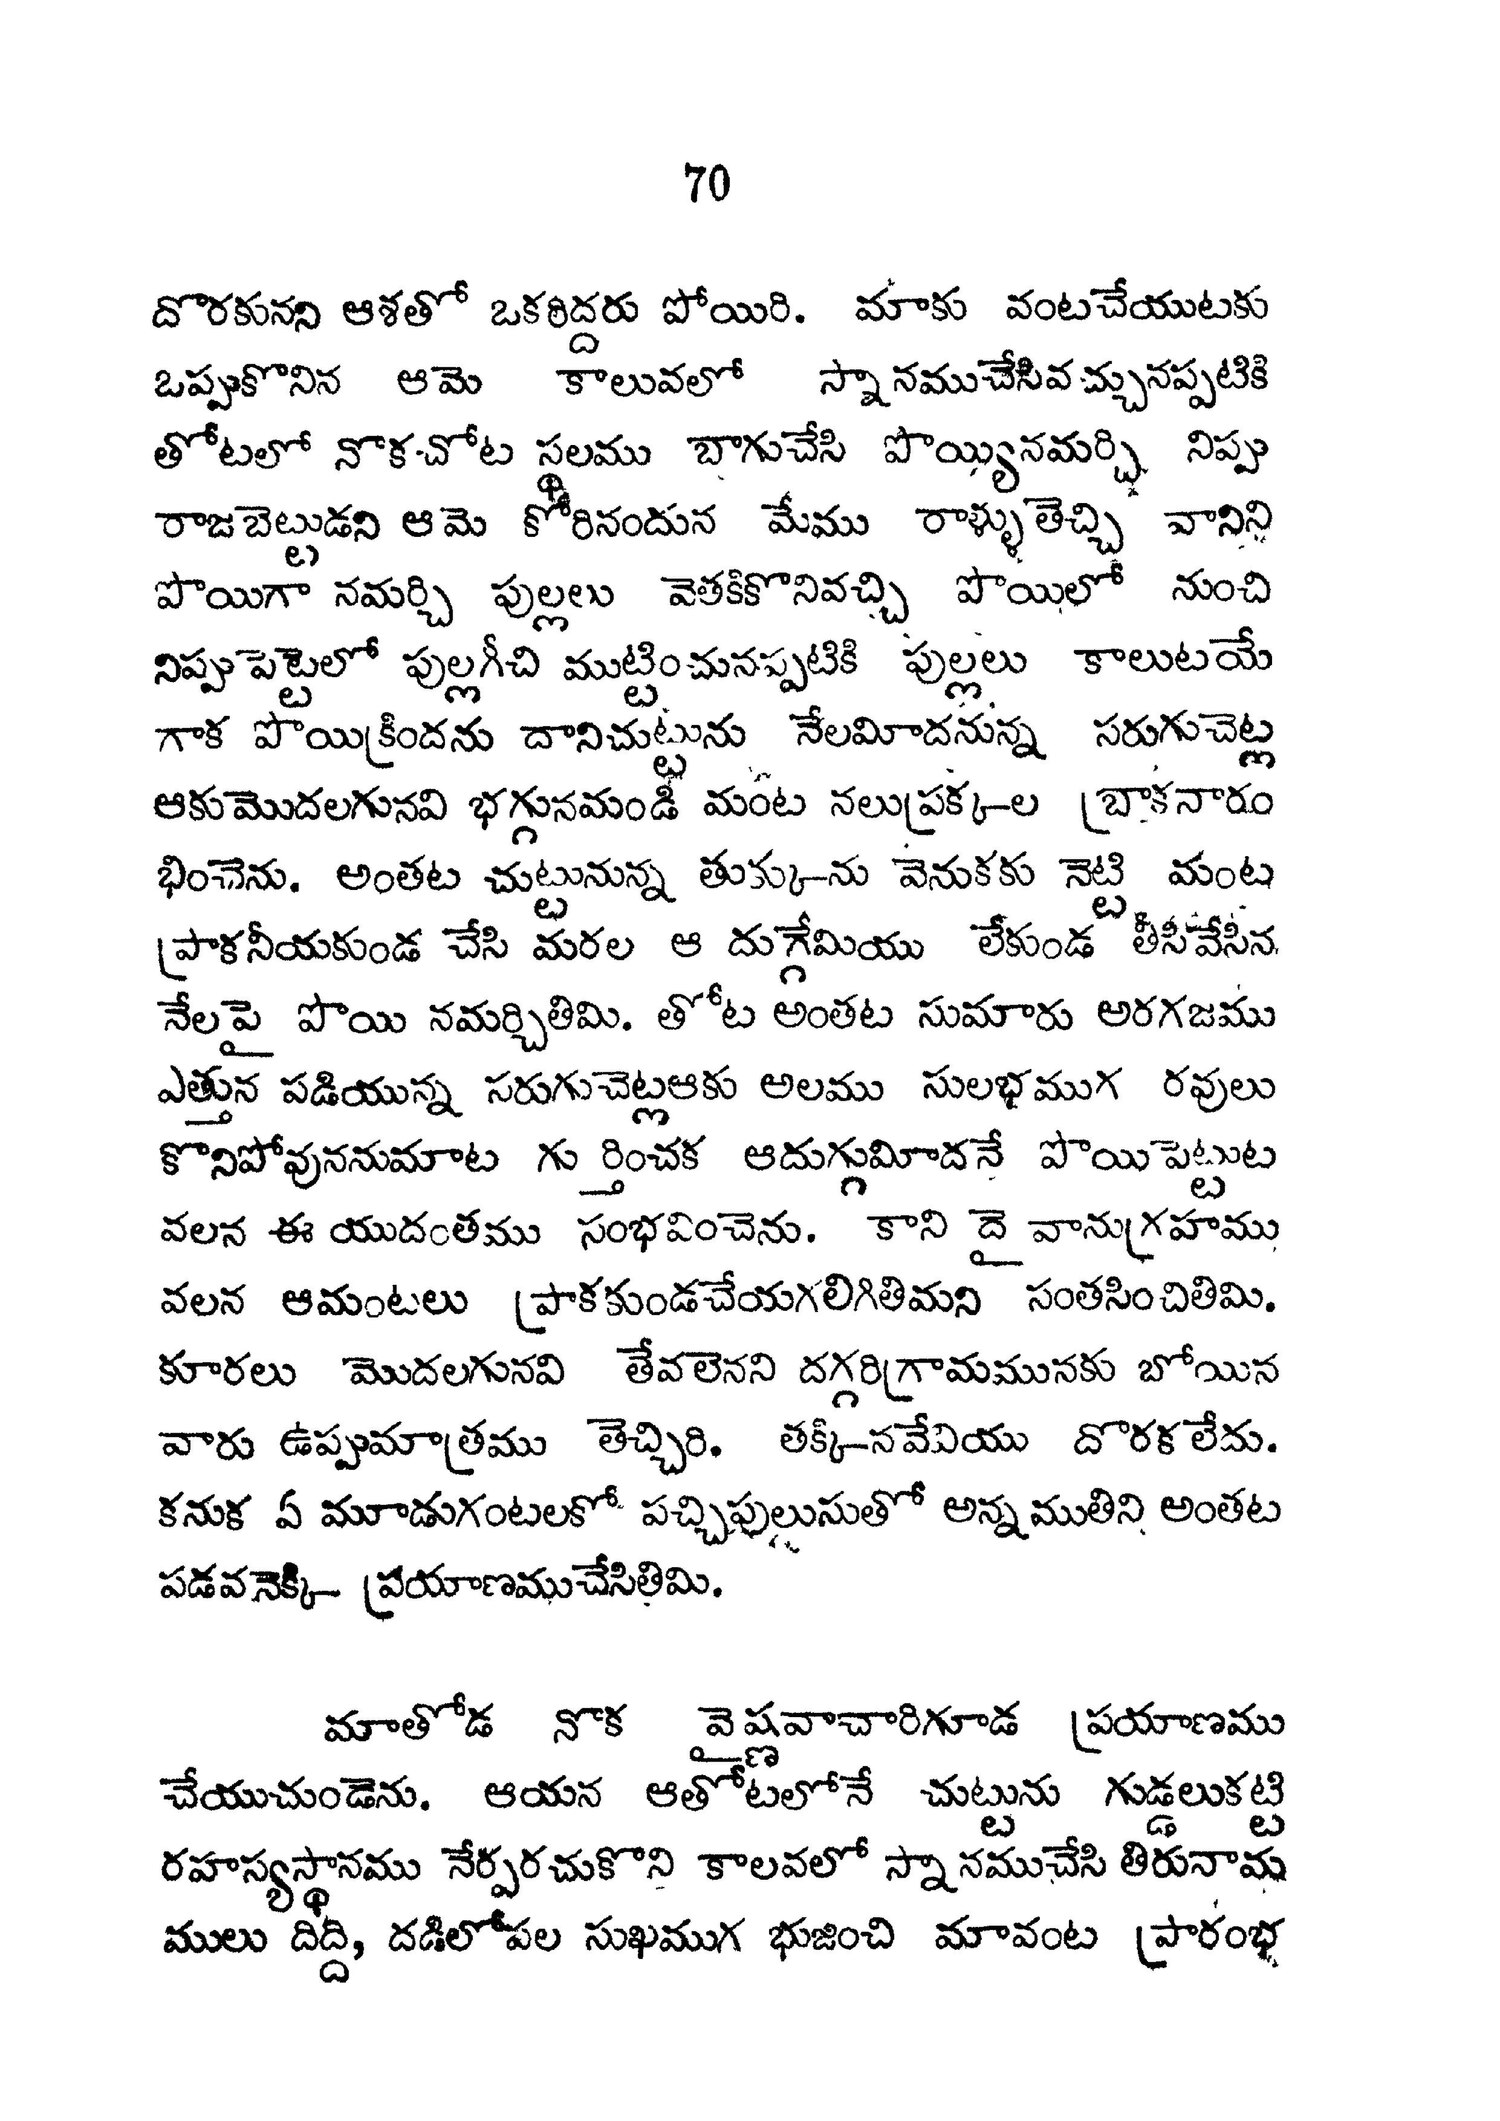దొరకునని ఆశతో ఒకరిద్దరు పోయిరి. మాకు వంటచేయుటకు ఒప్పుకొనిన ఆమె కాలువలో స్నానముచేసివచ్చునప్పటికి తోటలో నొకచోటస్థలము బాగుచేసి పొయ్యినమర్చి నిప్పు రాజబెట్టుడని ఆమె కోరినందున మేము రాళ్ళుతెచ్చి వానిని పొయిగా నమర్చి పుల్లలు వెతకికొనివచ్చి పొయిలో నుంచి నిప్పుపెట్టెలో పుల్లగీచి ముట్టించునప్పటికి పుల్లలు కాలుటయే గాక పొయిక్రిందను దానిచుట్టును నేలమీదనున్న సరుగుచెట్ల ఆకుమొదలగునవి భగ్గునమండి మంట నలుప్రక్కల బ్రాకనారంభించెను. అంతట చుట్టునున్న తుక్కును వెనుకకు నెట్టి మంట ప్రాకనీయకుండ చేసి మరల ఆ దుగ్గేమియు లేకుండ తీసివేసిన నేలపై పొయి నమర్చితిమి. తోట అంతట సుమారు అరగజము ఎత్తున పడియున్న సరుగుచెట్లఆకు అలము సులభముగ రవులుకొనిపోవుననుమాట గుర్తించక ఆదుగ్గుమీదనే పొయిపెట్టుట వలన ఈ యుదంతము సంభవించెను. కాని దైవానుగ్రహము వలన ఆమంటలు ప్రాకకుండచేయగలిగితిమని సంతసించితిమి. కూరలు మొదలగునవి తేవలెనని దగ్గరిగ్రామమునకు బోయినవారు ఉప్పుమాత్రము తెచ్చిరి. తక్కినవేవియు దొరకలేదు. కనుక ఏ మూడుగంటలకో పచ్చిపులుసుతో అన్నముతిని అంతట పడవనెక్కి ప్రయాణముచేసితిమి.

మాతోడ నొక వైష్ణవాచారిగూడ ప్రయాణము చేయుచుండెను. ఆయన ఆతోటలోనే చుట్టును గుడ్డలుకట్టి రహస్యస్థానము నేర్పరచుకొని కాలవలో స్నానముచేసి తిరునామములు దిద్ది, దడిలోపల సుఖముగ భుజించి మావంట పారంభ